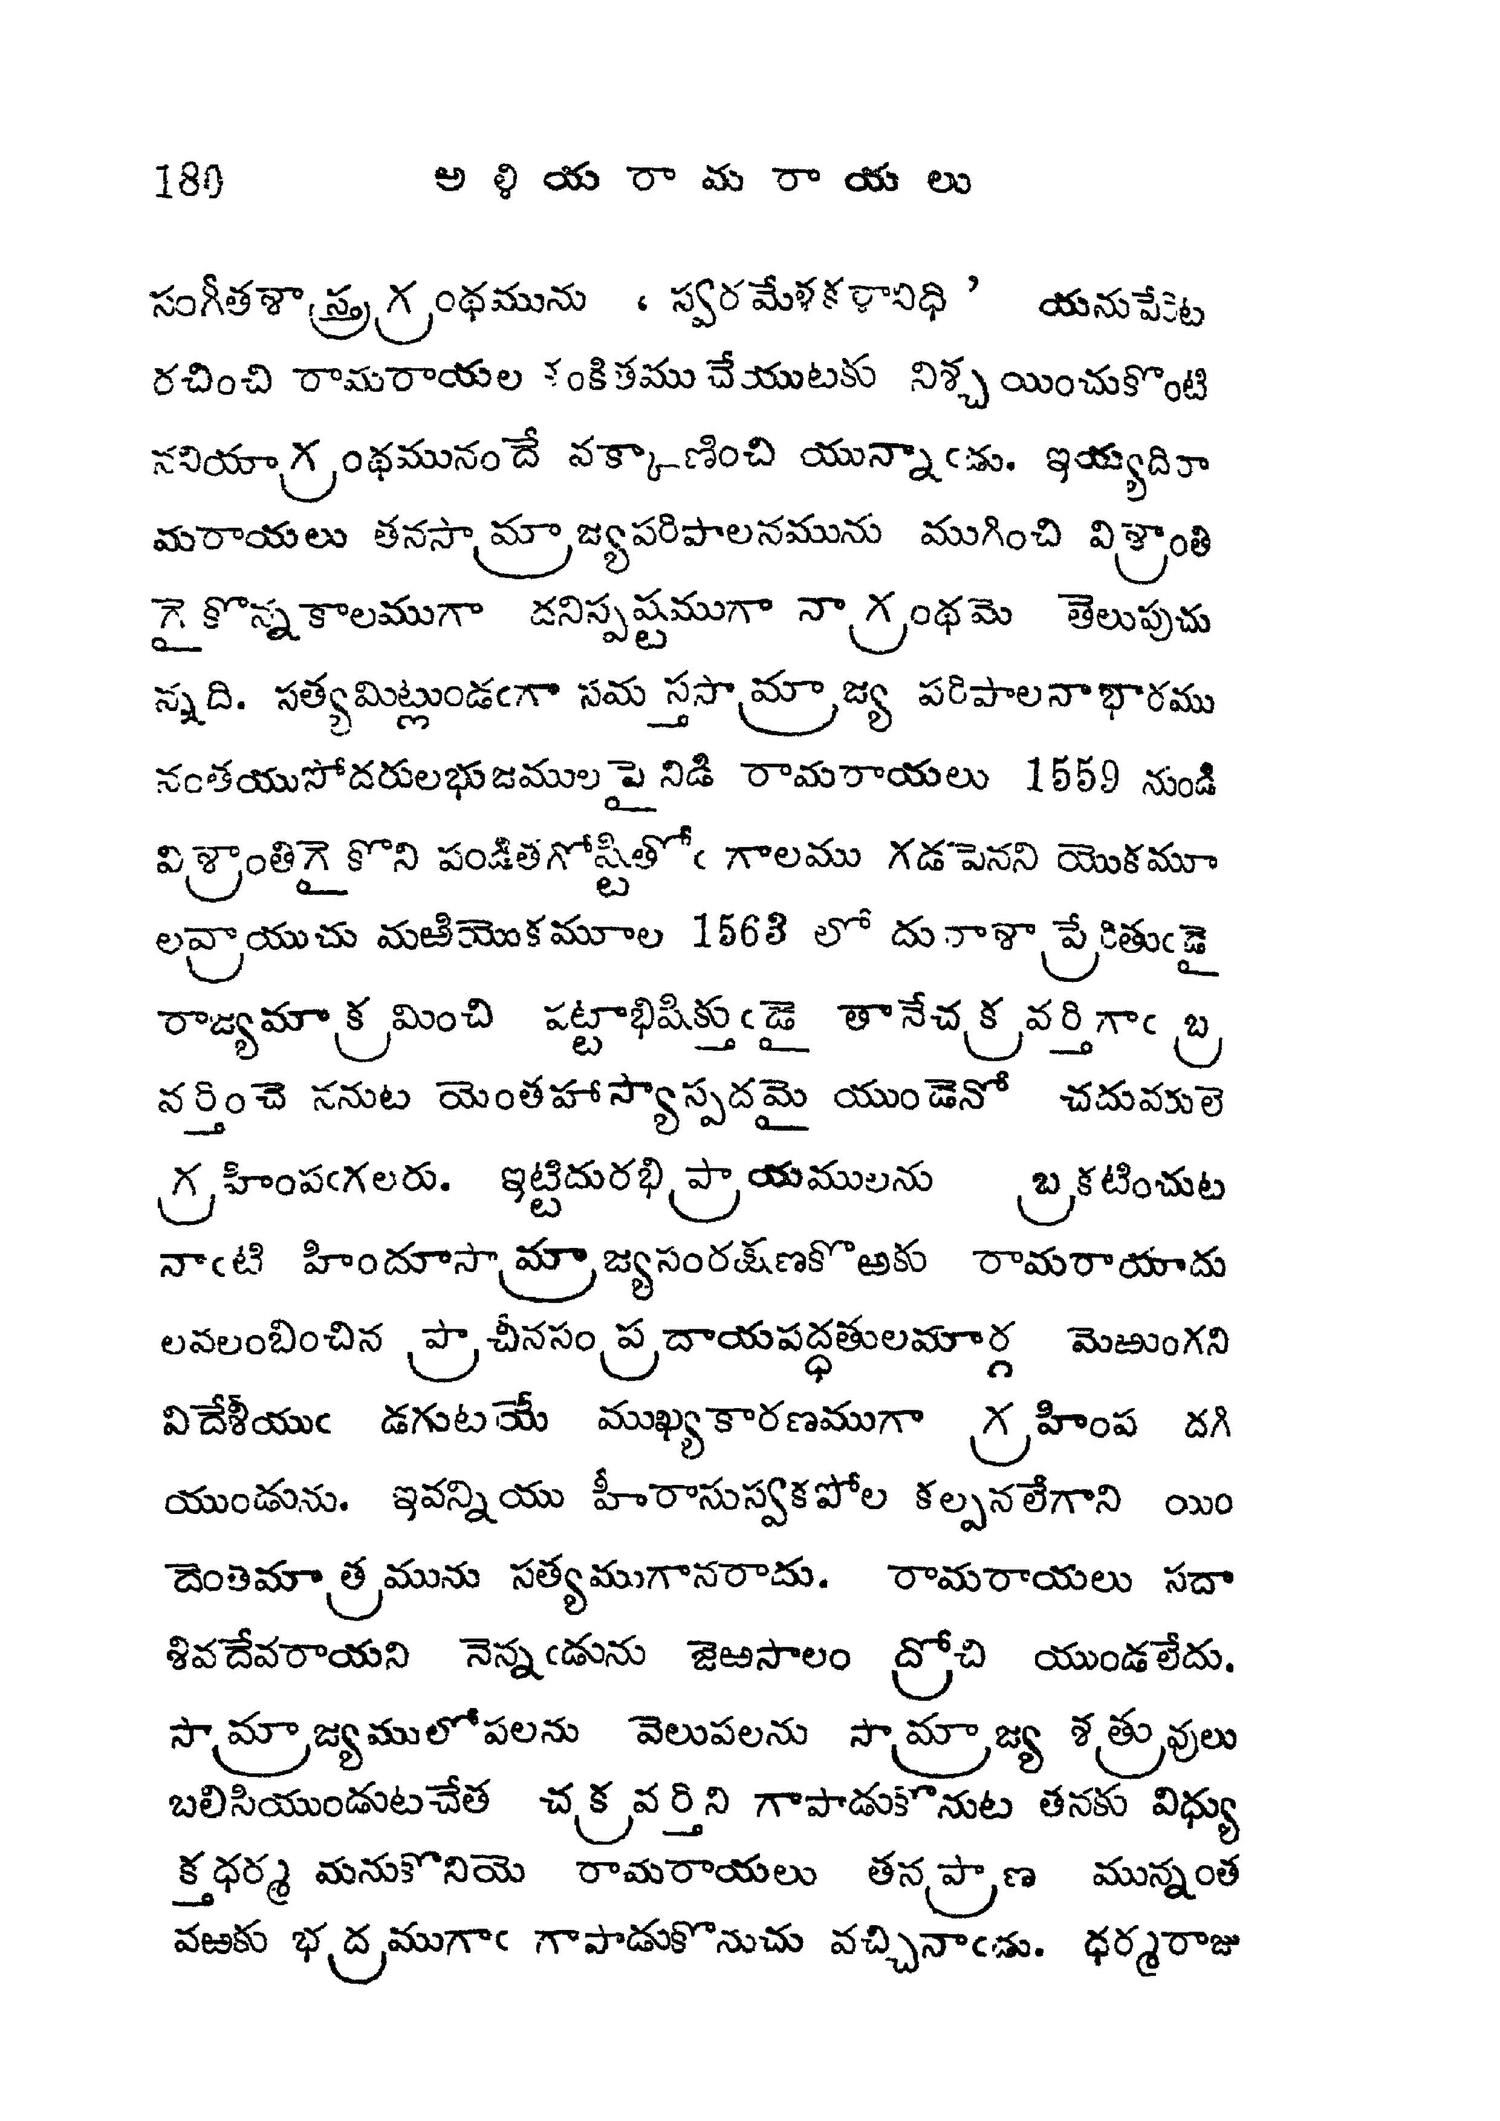సంగీతశాస్త్రగ్రంథమును 'స్వరమేళకళానిధి' యనుపేరిట రచించి రామరాయల కంకితముచేయుటకు నిశ్చయించుకొంటినని యాగ్రంథమునందే వక్కాణించి యున్నాడు. ఇయ్యది రామరాయలు తనసామ్రాజ్యపరిపాలనమును ముగించి విశ్రాంతిగైకొన్నకాలముగా దనిస్పష్టముగా నాగ్రంథమె తెలుపుచున్నది. సత్యమిట్లుండగా సమస్తసామ్రాజ్య పరిపాలనాభారము నంతయు సోదరులభుజములపై నిడి రామరాయలు 1559 నుండి విశ్రాంతిగైకొని పండితగోష్టితో గాలము గడపెనని యొకమూల వ్రాయుచు మఱియొకమూల 1563 లో దురాశాప్రేరితుడై రాజ్యమాక్రమించి పట్టాభిషిక్తుడై తానేచక్రవర్తిగా బ్రవర్తించె ననుట యెంతహాస్యాస్పదమై యుండెనో చదువరులె గ్రహింపగలరు. ఇట్టిదురభి ప్రాయములను బ్రకటించుట నాటి హిందూసామ్రాజ్యసంరక్షణకొఱకు రామరాయాదు లవలంబించిన ప్రాచీన సంప్రదాయపద్ధతులమార్గ మెఱుంగని విదేశీయు డగుటయే ముఖ్యకారణముగా గ్రహింప దగియుండును. ఇవన్నియు హీరాసుస్వకపోల కల్పనలేగాని యిందెంతమాత్రమును సత్యముగానరాదు. రామరాయలు సదాశివదేవరాయని నెన్నడును జెఱసాలం ద్రోచి యుండలేదు. సామ్రాజ్యములోపలను వెలుపలను సామ్రాజ్య శత్రువులు బలిసియుండుటచేత చక్రవర్తిని గాపాడుకొనుట తనకు విధ్యుక్తధర్మ మనుకొనియె రామరాయలు తనప్రాణ మున్నంత వఱకు భద్రముగా గాపాడుకొనుచు వచ్చినాడు. ధర్మరాజు